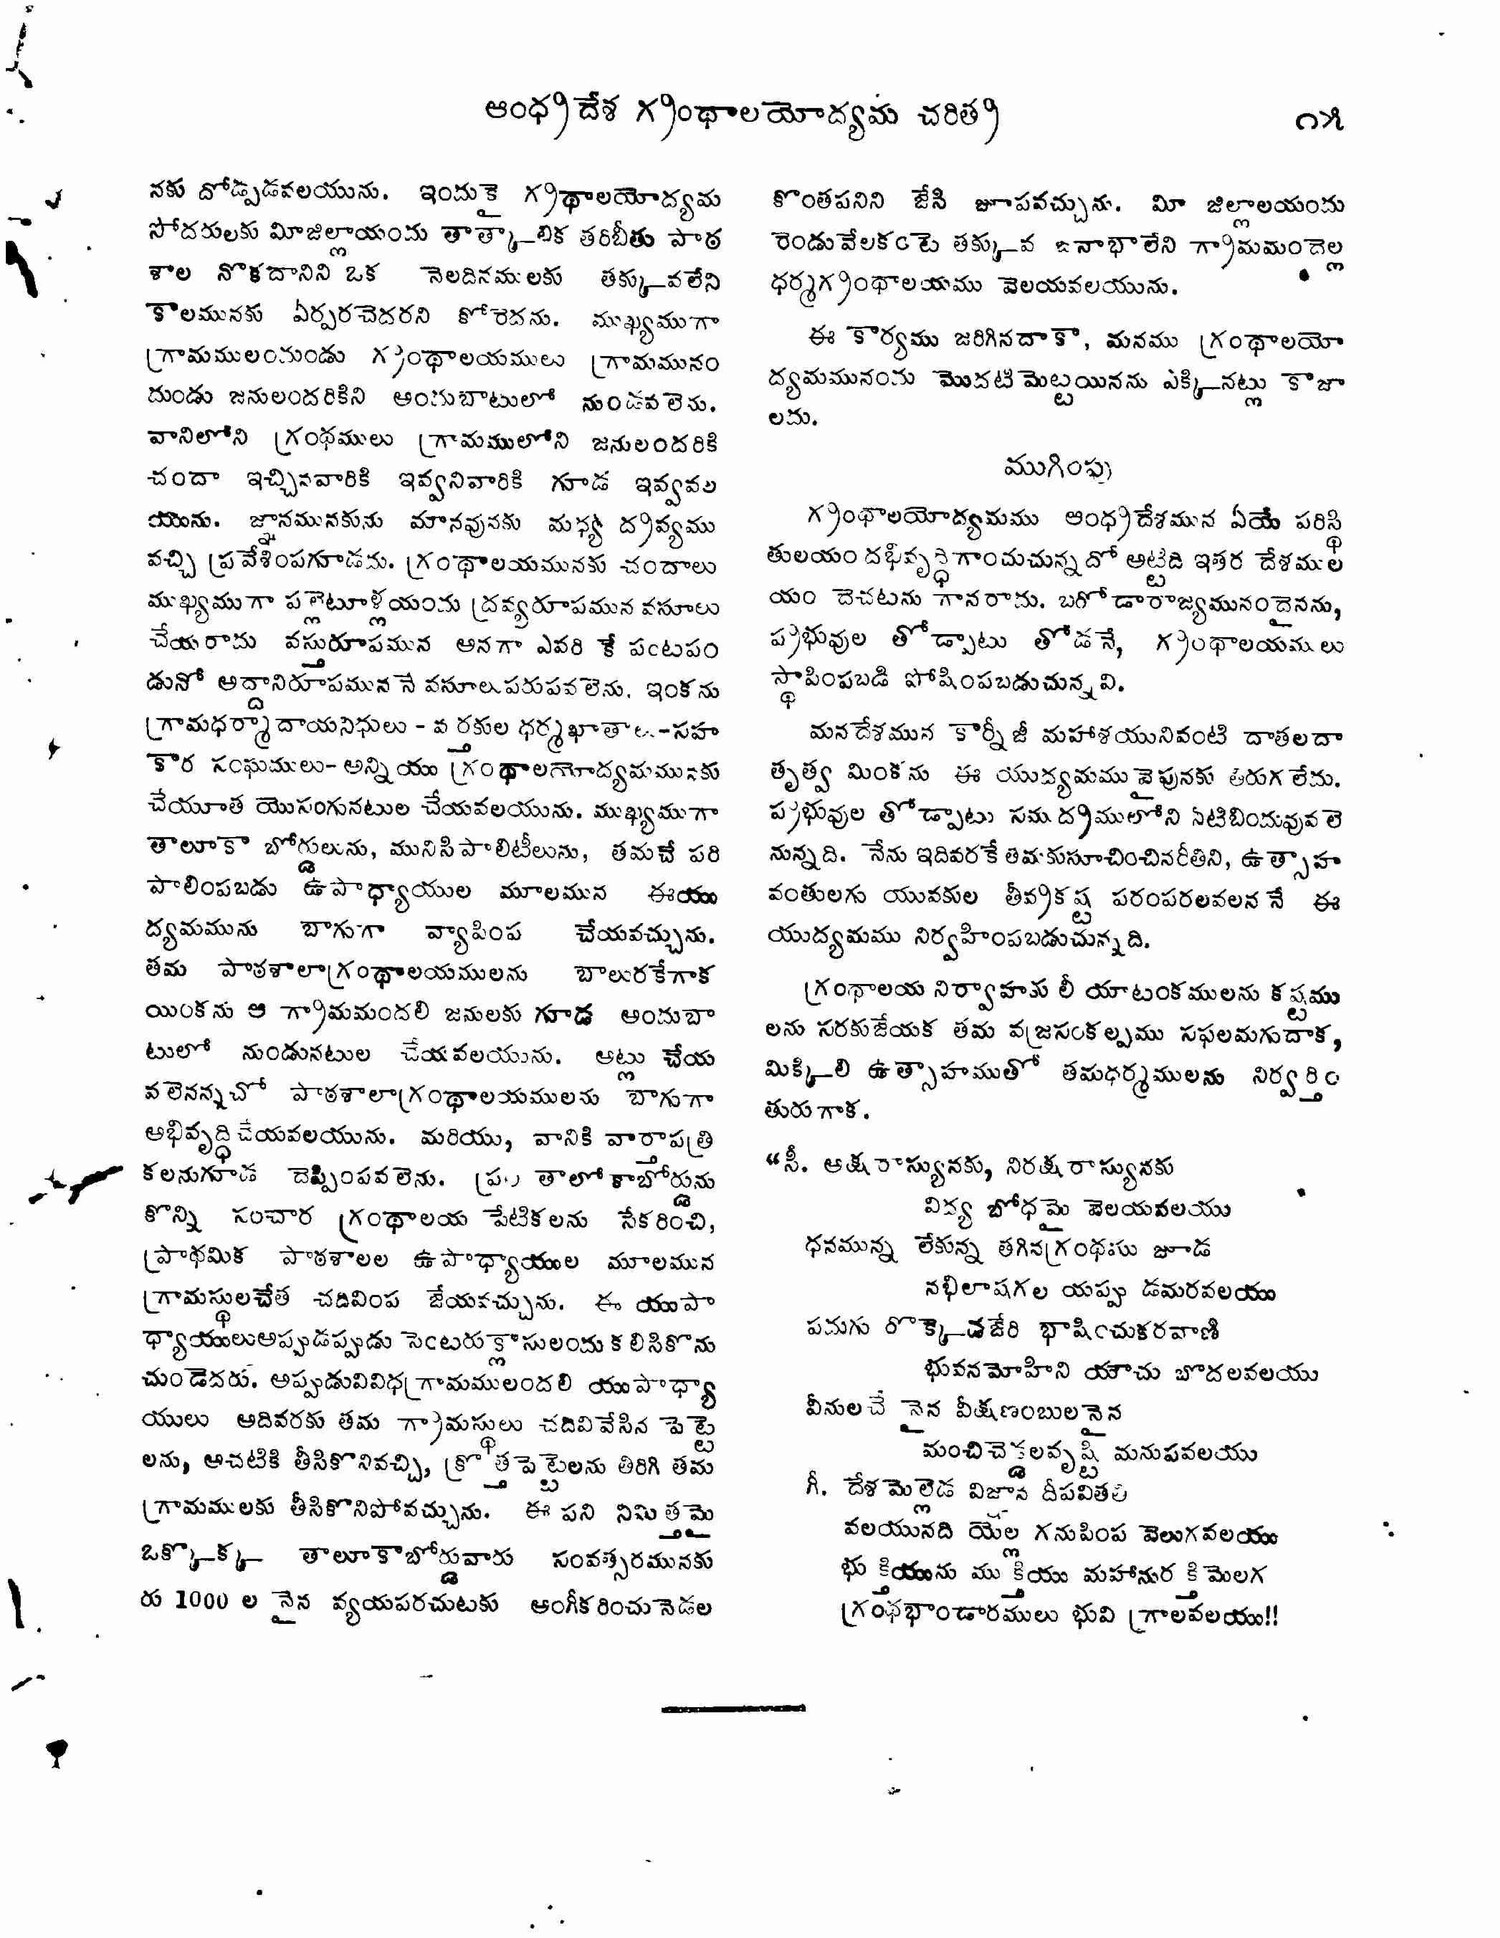నకు దోడ్పడవలయును. ఇందుకై గ్రథాలయోద్యమ సోదరులకు మీజిల్లాయంను తాత్కాలిక తరిబీతు పాఠశాల నొకదానిని ఒక నెలదినములకు తక్కువలేని కాలమునకు ఏర్పర చెదరని కోరెదను. ముఖ్యముగా గ్రామములందుండు గ్రంథాలయములు గ్రామము
నందుండు జనులందరికిని అందుబాటులో నుండవలెను. వానిలోని గ్రంధములు గ్రామములోని జనులందరికి చందా ఇచ్చినవారికి ఇవ్వనివారికి గూడ ఇవ్వవలయును. జ్ఞానమునకును మానవునకు మధ్య ద్రవ్యము వచ్చి ప్రవేశింపగూడను. గ్రంథాలయమునకు 
చందాలు ముఖ్యముగా పల్లెటూళ్లయందు ద్రవ్యరూపమున వసూలు చేయరాదు వసురూపమున అనగా ఎవరికే పంటపండునో ఆదానిరూపముననే వసూలు పరుపవలెను. ఇంకను గ్రామధర్మాదాయనిధులు-వర్తకుల ధర్మఖాతాల-సహకార సంఘములు-అన్నియు గ్రంథాలయోద్యమముకు చేయూత యొసంగునటుల చేయవలయును. ముఖ్యముగా తాలూకా బోర్డులను,మునిసిపాలిటీలును, తమచే పరిపాలింపబడు ఉపాధ్యాయుల మూలమున ఈయుద్యమమును బాగుగా వ్యాపింప చేయవచ్చును. తమ పాఠశాలాగ్రంథాలయములను బాలురకే గాక యింకను ఆ గ్రామమందలి జనులకు గూడ అందుబాటులో నుండునటుల చేయవలయును. ఆట్లు చేయవలెనన్నచో పాఠశాలా గ్రంథాలయములను బాగుగా అభివృద్ధి చేయవలయును. మరియు, వానికి వార్తాపత్రికలను గూడ చెప్పింపవలెను. ప్రల
తాలోకా బోర్డును కొన్ని సంచార గ్రంథాలయ పేటికలను సేకరించి, ప్రాథమిక పాఠశాలల ఉపాధ్యాయుల మూలమున గ్రామస్ధులచేత చదివింప జేయవచ్చును. ఈ యుపాధ్యాయులు అప్పుడప్పుడు సెంటరు క్లాసులందు కలిసికొనుచుండెదరు. అప్పుడు వివిధ గ్రామములందలి యుపాధ్యాయులు ఆదివరకు తమ గ్రామస్థులు చదివి వేసిన పెట్టెలను, ఆచటికి తీసికొనివచ్చి, కొత్త పెట్టెలను తిరిగి తమ గ్రామములకు తీసికొనిపోవచ్చును. ఈ పని నిమిత్తమై ఒక్కొక్క తాలూకా బోర్డువారు సంవత్సరమునకు రు 1000 ల నైన వ్యయపరచుటకు అంగీకరించు నెడల కొంతపనిని జేసి జూపవచ్చును. మీ జిల్లాలయందు రెండు వేలకంటె తక్కువ జనాభాలేని గ్రామమందెల్ల ధర్మగ్రంథాలయము వెలయవలయును.

ఈ కార్యము జరిగినదాకా, మనము గ్రంథాలయోద్యమమునందు మొదటి మెట్టయినను ఎక్కినట్లు కాజాలదు.

గ్రంథాలయోద్యమము ఆంధ్రదేశమున ఏయే పరిస్తితులయందభివృద్ధి గాంచుచున్నదో అట్టిది ఇతర దేశములయం దెచటను గానరాదు. బరోడా రాజ్యమునందైనను, ప్రభువుల తోడ్పాటు తోడనే, గ్రంథాలయములు సాపింపబడి పోషింపబడుచున్నవి.

మనదేశమున కార్నీజీ మహాశయునివంటి దాతల దాతృత్వ మింకను ఈ యుద్యమము వైపునకు తిరుగ లేదు. ప్రభువుల తోడ్పాటు సముద్రములోని నీటిబిందువువలెనున్నది. నేను ఇదివరకే తమకు సూచించిన రీతిని, ఉత్సాహవంతులగు యువకులు తీవ్రకృష్ట పరంపరల వలననే ఈ యుద్యమము నిర్వహింపబడుచున్నది.

గ్రంథాలయ నిర్వాహకులీ యాటంకములను కష్టములను సరకుజేయక తమ వజ్రసంకల్పము సఫలమగు దాక, మిక్కిలి ఉత్సాహముతో తమధర్మములను నిర్వర్తింతురు గాక.

సీ. అక్షరాస్యునకు, నిరక్షరాస్యునకు
విద్య బోధమై వెలయవలయు
ధనమున్న లేకున్న తగిన గ్రంథము జూడ
నభిలాషగల యప్పు డమరవలయు
పదుగు రొక్కె తజేరి భాషించుకరవాణి
భువనమోహిని యౌచు బొదలవలయు
వీనులచే నైన వీక్షణంబుల నెన
మంచి చెడ్డలవృష్టి మనుపవలయు

గీ. దేశమెల్లెడ విజ్ఞాన దీపవితలి
వలయునది యెల గనుపింప వెలుగవలయు
భు కియును ము కియు మహానుర కి మెలగ
గ్రంథ భాండారములు భువి గ్రాలవలయు!!